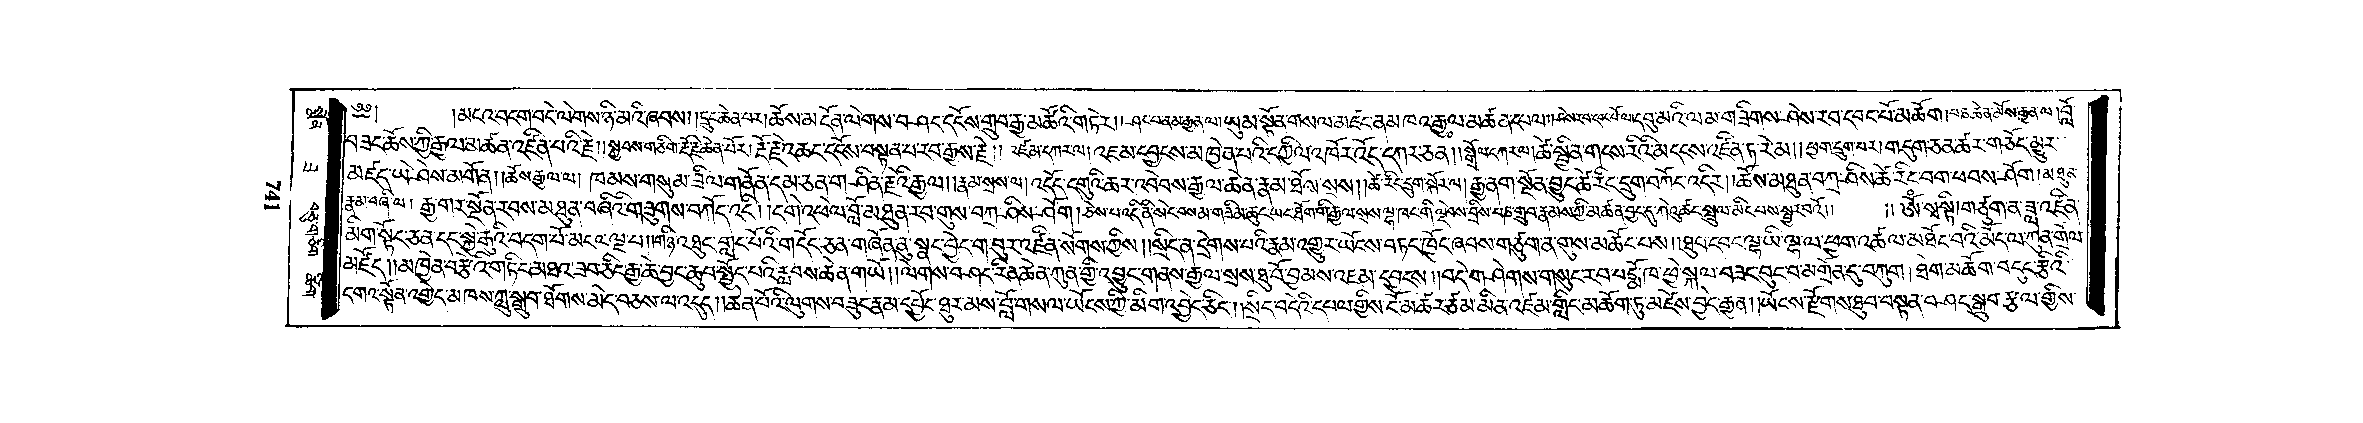༄༅། །མངའ་བདག་བདེ་ལེགས་ཉི་མའི་ཞབས། །དྲུང་ཆེན་པར། ཆོས་མདོན་ལེགས་བཤད་དངོས་གྲུབ་རྒྱ་མཚོའི་གཏེར། །ཤང་པ་ནམ་རྒྱན་ལ། ཡུམ་སྟོན་གསལ་མཛད་ནམ་མཁའ་རྒྱལ་མཚན་དཔལ། །ཤེས་རབ་དབང་པོ་ལ། དབུ་མའི་ལམ་གཟིགས་ཤེས་རབ་དབང་པོ་མཆོག །པཎ་ཆེན་མོས་རྒྱན་ལ། བློ་
བཟང་ཆོས་ཀྱི་རྒྱལ་མཚན་འཛིན་པའི་རྗེ། །སྐྱབས་གཅིག་རྡོ་རྗེ་ཆེན་པོར། རྡོ་རྗེ་འཆང་དངོས་བསྟན་པ་རབ་རྒྱས་རྗེ། །འཛམ་དཀར་ལ། འཇམ་དབྱངས་མཁྱེན་པའི་དཀྱིལ་འཁོར་འོད་དཀར་ཅན། །སྒྲོལ་དཀར་ལ། ཚེ་སྦྱིན་གངས་རིའི་མདངས་འཛིན་ཏ་རེ་མ། །ཕྱག་དྲུག་བར། གདུག་ཅན་ཚར་གཅོད་མྱུར་
མཛད་ཡེ་ཤེས་མགོན། །ཆོས་རྒྱལ་ལ། ཁམས་གསུམ་ཟིལ་གནོན་དམ་ཅན་གཤིན་རྗེའི་རྒྱལ། །རྣམ་སྲས་ལ། འདོད་དགུའི་ཆར་འབེབས་རྒྱལ་ཆེན་རྣམ་ཐོས་སྲས། །ཚེ་རིང་དྲུག་སྐོར་ལ། རྒྱ་ནག་སྔོན་བྱུང་ཚེ་རིང་དྲུག་བཀོད་འདིར། །ཆོས་མཐུན་བཀྲ་ཤིས་ཚེ་རིང་བག་ཕབས་ཤོག །མཐུན་
རྣམ་བཞི་ལ། རྒྱ་གར་སྔོན་རབས་མཐུན་བཞིའི་གཟུགས་བཀོད་འདི། །དགེ་འཕེལ་བློ་མཐུན་རབ་གུས་བཀྲ་ཤིས་ཤོག །ཅེས་པ་འདི་ནི་སེང་བསམ་གཟིམ་ཆུང་ཡང་ཐོག་གི་རྒྱལ་སྲས་ལྷ་ཁང་གི་སྡེབས་བྲིས་པཎ་གྲུབ་རྣམས་ཀྱི་མཚན་བྱང་དུ་ཀེའུ་ཚང་སྤྲུལ་མིང་པས་སྦྱར་བའོ།། །།ཨོཾ་སྭ་སྟི། གཙུག་ན་ཟླ་འཛིན་
མིག་སྟོང་ཅན་དང་སྐྱེ་རྒུའི་བདག་པོ་མངའ་ལྔ་པ། །གཉི་འཐུང་གླང་པོའི་གདོང་ཅན་གཞོན་ནུ་སྣང་བྱེད་ག་བུར་འཛིན་སོགས་ཀྱིས། །སྲིད་ན་དྲེགས་པའི་རྣམ་འགྱུར་ཡོངས་བཏང་ཁྱོད་ཞབས་གཙུག་ན་གུས་མཆོད་པས། །ཐུབ་དབང་ལྷ་ཡི་ལྷ་ལ་ཕྱག་འཚལ་མཐོང་བའི་མོད་ལ་ཀུན་གྲོལ་
མཛོད། །མཁྱེན་བརྩེའི་གཏིང་མཐའ་ཟབ་ཅིང་རྒྱ་ཆེ་བྱང་ཆུབ་སྤྱོད་པའི་རླབས་ཆེན་གཡོ། །ལེགས་བཤད་རིན་ཆེན་ཀུན་གྱི་འབྱུང་གནས་རྒྱལ་སྲས་ཐུ་བོ་བྱམས་འཇམ་དབྱངས། །བདེ་གཤེགས་གསུང་རབ་པདམོ་ཁ་ཕྱེ་སྐལ་བཟང་བུང་བ་མགྲོན་དུ་བཀུག །ཐེག་མཆོག་བདུད་རྩིའི་
དགའ་སྟོན་འགྱེད་མཁས་ཀླུ་སྒྲུབ་ཐོགས་མེད་བཅས་ལ་འདུད། །ཆེན་པོའི་ལུགས་བཟུང་རྣམ་དཔྱོད་ཐུར་མས་བློ་གསལ་ཡོངས་ཀྱི་མིག་འབྱེད་ཅིང་། །སྲིད་བདེའི་དཔལ་གྱིས་ངོ་མཚར་ཙམ་མིན་འཛམ་གླིང་མཆོག་ཏུ་མཛེས་བྱེད་རྒྱན། །ཡོངས་རྫོགས་ཐུབ་བསྟན་བཤད་སྒྲུབ་རྩལ་གྱིས་